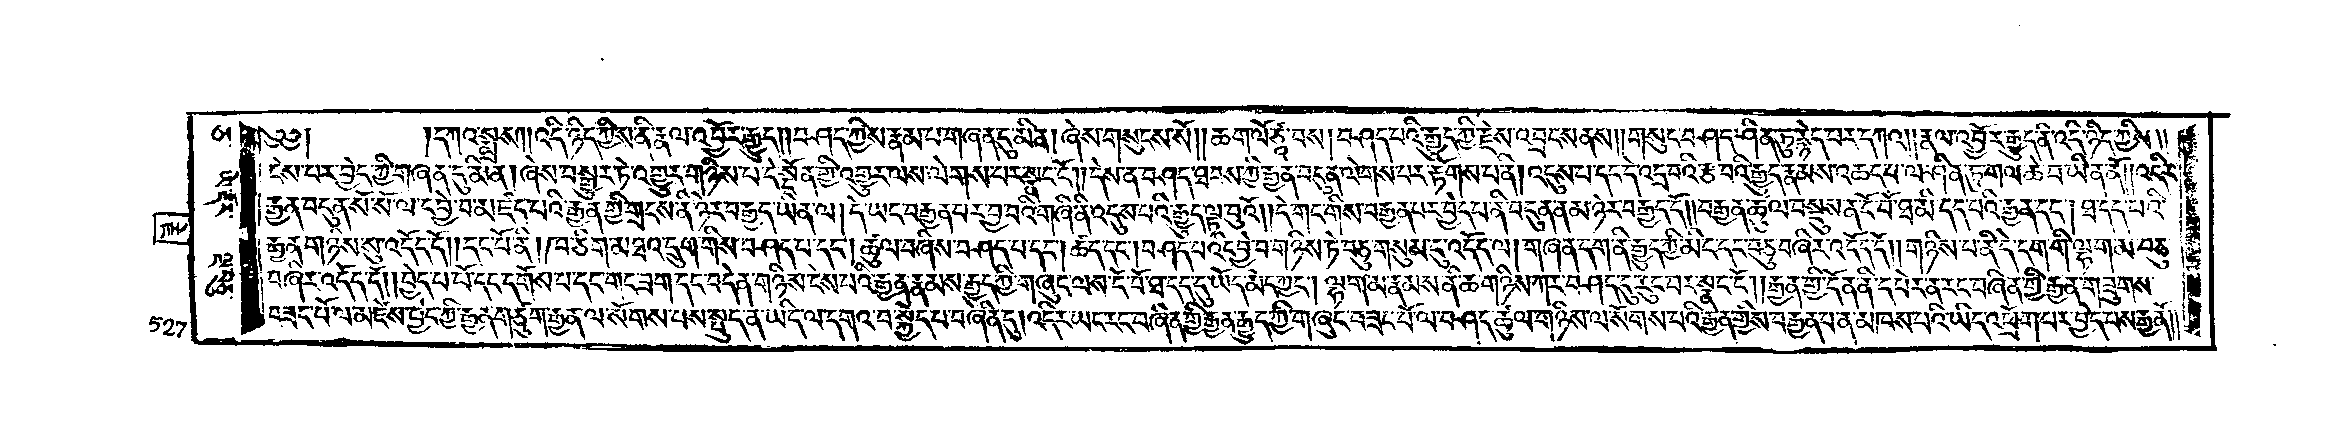༄༅། །དཀའ་སྨྲས། །འདི་ཉིད་ཀྱིས་ནི་རྣལ་འབྱོར་རྒྱུད། །བཤད་ཀྱིས་རྣམ་པ་གཞན་དུ་མིན། ཞེས་གསུངས་སོ། །ཆག་ལོ་ཙཱ་བས། བཤད་པའི་རྒྱུད་ཀྱི་རྗེས་འབྲངས་ནས། །གསུང་བཤད་ཤིན་ཏུ་རྙེད་པར་དཀའ། །རྣལ་འབྱོར་རྒྱུད་ནི་འདི་ཉིད་ཀྱིས།།
ངེས་པར་བྱེད་ཀྱི་གཞན་དུ་མིན། ཞེས་བསྒྱུར་ཏེ་འགྱུར་གཉིས་པ་དེ་སྔོན་གྱི་འགྱུར་ལས་ལེགས་པར་སྣང་ངོ། །དེས་ན་བཤད་ཐབས་ཀྱི་རྒྱན་བདུན་ལེགས་པར་རྟོགས་པ་ནི། འདུས་པ་དང་དེ་འདྲ་བའི་རྩ་བའི་རྒྱུད་རྣམས་འཆད་པ་ལ་ཤིན་ཏུ་གལ་ཆེ་བ་ཡིན་ནོ། །འདིར་
རྒྱན་བདུན་སོ་སོ་ལ་དབྱེ་བ་མཛད་པའི་རྒྱན་གྱི་གྲངས་ནི་ཉེར་བརྒྱད་ཡིན་ལ། དེ་ཡང་བརྒྱན་པར་བྱ་བའི་གཞི་ནི་འདུས་པའི་རྒྱུད་ལྟ་བུའོ། །དེ་གང་གིས་བརྒྱན་པར་བྱེད་པ་ནི་བདུན་ནམ་ཉེར་བརྒྱད་དོ། །བརྒྱན་ཚུལ་བསྡུས་ན་ངོ་བོ་ཐ་མི་དད་པའི་རྒྱན་དང་། ཐ་དད་པའི་
རྒྱན་གཉིས་སུ་འདོད་དོ། །དང་པོ་ནི། ཁ་ཅིག་མཐའ་དྲུག་གིས་བཤད་པ་དང་། ཚུལ་བཞིས་བཤད་པ་དང་། ཚད་དང་། བཤད་པའི་དབྱེ་བ་གཉིས་ཏེ་བཅུ་གསུམ་དུ་འདོད་ལ། གཞན་དག་ནི་རྒྱུད་ཀྱི་མིང་དང་བཅུ་བཞིར་འདོད་དོ། །གཉིས་པ་ནི་དེ་དག་གི་ལྷག་མ་བཅུ་
བཞིར་འདོད་དོ། །བྱེད་པ་པོ་དང་དགོས་པ་དང་གང་ཟག་དང་བདེན་གཉིས་ངེས་པའི་རྒྱན་རྣམས་རྒྱུད་ཀྱི་གཞུང་ལས་ངོ་བོ་ཐ་དད་དུ་ཡོད་མོད་ཀྱང་། ལྷག་མ་རྣམས་ནི་ཆ་གཉིས་ཀར་བཤད་དུ་རུང་བར་སྣང་ངོ། །རྒྱན་གྱི་དོན་ནི་དཔེར་ན་རང་བཞིན་གྱི་རྒྱན་གཟུགས་
བཟང་པོ་ལ་མཛེས་བྱེད་ཀྱི་རྒྱན་གཙུག་རྒྱན་ལ་སོགས་པས་སྤུད་ན་ཡིད་ལ་དགའ་བ་སྐྱེད་པ་བཞིན་དུ། འདིར་ཡང་རང་བཞིན་གྱི་རྒྱན་རྒྱུད་ཀྱི་གཞུང་བཟང་པོ་ལ་བཤད་ཚུལ་གཉིས་ལ་སོགས་པའི་རྒྱན་གྱིས་བརྒྱན་པ་ན་མཁས་པའི་ཡིད་འཕྲོག་པར་བྱེད་པས་རྒྱན་ནོ།།